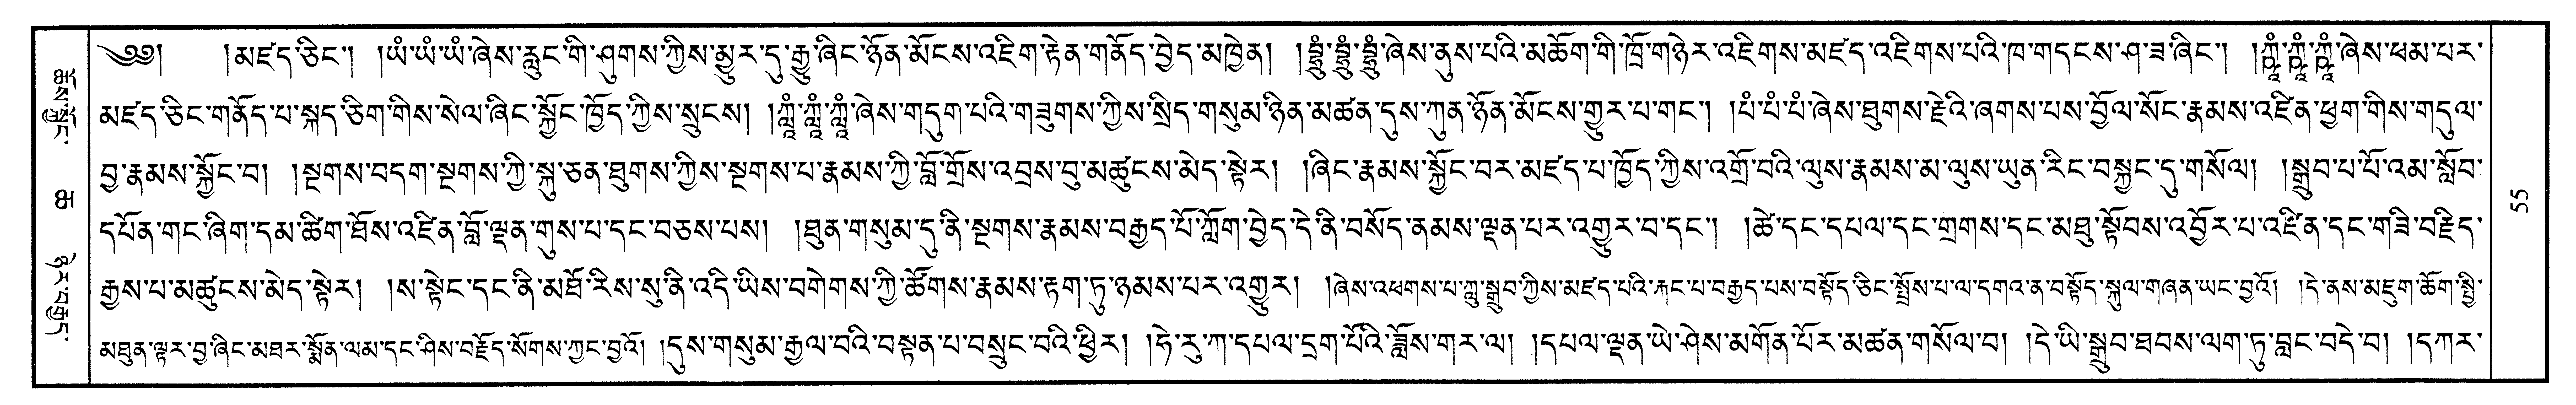༄༅། །མཛད་ཅིང་། །ཡཾ་ཡཾ་ཡཾ་ཞེས་རླུང་གི་ཤུགས་ཀྱིས་མྱུར་དུ་རྒྱུ་ཞིང་ཉོན་མོངས་འཇིག་རྟེན་གནོད་བྱེད་མཁྱེན། །བྷྲུཾ་བྷྲུཾ་བྷྲུཾ་ཞེས་ནུས་པའི་མཆོག་གི་ཁྲོ་གཉེར་འཇིགས་མཛད་འཇིགས་པའི་ཁ་གདངས་ཤ་ཟ་ཞིང་། །ཀྵཱཾ་ཀྵཱཾ་ཀྵཱཾ་ཞེས་ཕམ་པར་
མཛད་ཅིང་གནོད་པ་སྐད་ཅིག་གིས་སེལ་ཞིང་སྐྱོང་ཁྱོད་ཀྱིས་སྲུང་། །ཀླཱཾ་ཀླཱཾ་ཀླཱཾ་ཞེས་གདུག་པའི་གཟུགས་ཀྱིས་སྲིད་གསུམ་ཉིན་མཚན་དུས་ཀུན་ཉོན་མོངས་གྱུར་པ་དང་། །པཾ་པཾ་པཾ་ཞེས་ཐུགས་རྗེའི་ཞགས་པས་བྱོལ་སོང་རྣམས་འཛིན་ཕྱག་གིས་གདུལ་
བྱ་རྣམས་སྐྱོང་བ། །སྔགས་བདག་སྔགས་ཀྱི་སྐུ་ཅན་ཐུགས་ཀྱིས་སྔགས་པ་རྣམས་ཀྱི་བློ་གྲོས་འབྲས་བུ་མཚུངས་མེད་སྟེར། །ཞིང་རྣམས་སྐྱོང་བར་མཛད་པ་ཁྱོད་ཀྱིས་འགྲོ་བའི་ལུས་རྣམས་མ་ལུས་ཡུན་རིང་བསྐྱང་དུ་གསོལ། །སྒྲུབ་པ་པོ་འམ་སློབ་
དཔོན་གང་ཞིག་དམ་ཚིག་ཐོས་འཛིན་བློ་ལྡན་གུས་པ་དང་བཅས་པས། །ཐུན་གསུམ་དུ་ནི་སྔགས་རྣམས་བརྒྱད་པོ་ཀློག་བྱེད་དེ་ནི་བསོད་ནམས་ལྡན་པར་འགྱུར་བ་དང་། །ཚེ་དང་དཔལ་དང་གྲགས་དང་མཐུ་སྟོབས་འབྱོར་པ་འཛིན་དང་གཟི་བརྗིད་
རྒྱས་པ་མཚུངས་མེད་སྟེར། །ས་སྟེང་དང་ནི་མཐོ་རིས་སུ་ནི་འདི་ཡིས་བགེགས་ཀྱི་ཚོགས་རྣམས་རྟག་ཏུ་ཉམས་པར་འགྱུར། །ཞེས་འཕགས་པ་ཀླུ་སྒྲུབ་ཀྱིས་མཛད་པའི་རྐང་པ་བརྒྱད་པས་བསྟོད་ཅིང་སྤྲོས་པ་ལ་དགའ་ན་བསྟོད་སྐུལ་གཞན་ཡང་བྱའོ། །དེ་ནས་མཇུག་ཆོག་སྤྱི་
མཐུན་ལྟར་བྱ་ཞིང་མཐར་སྨོན་ལམ་དང་ཤིས་བརྗོད་སོགས་ཀྱང་བྱའོ། །དུས་གསུམ་རྒྱལ་བའི་བསྟན་པ་བསྲུང་བའི་ཕྱིར། །ཧེ་རུ་ཀ་དཔལ་དྲག་པོའི་ཟློས་གར་ལ། །དཔལ་ལྡན་ཡེ་ཤེས་མགོན་པོར་མཚན་གསོལ་བ། །དེ་ཡི་སྒྲུབ་ཐབས་ལག་ཏུ་བླང་བདེ་བ། །དཀར་